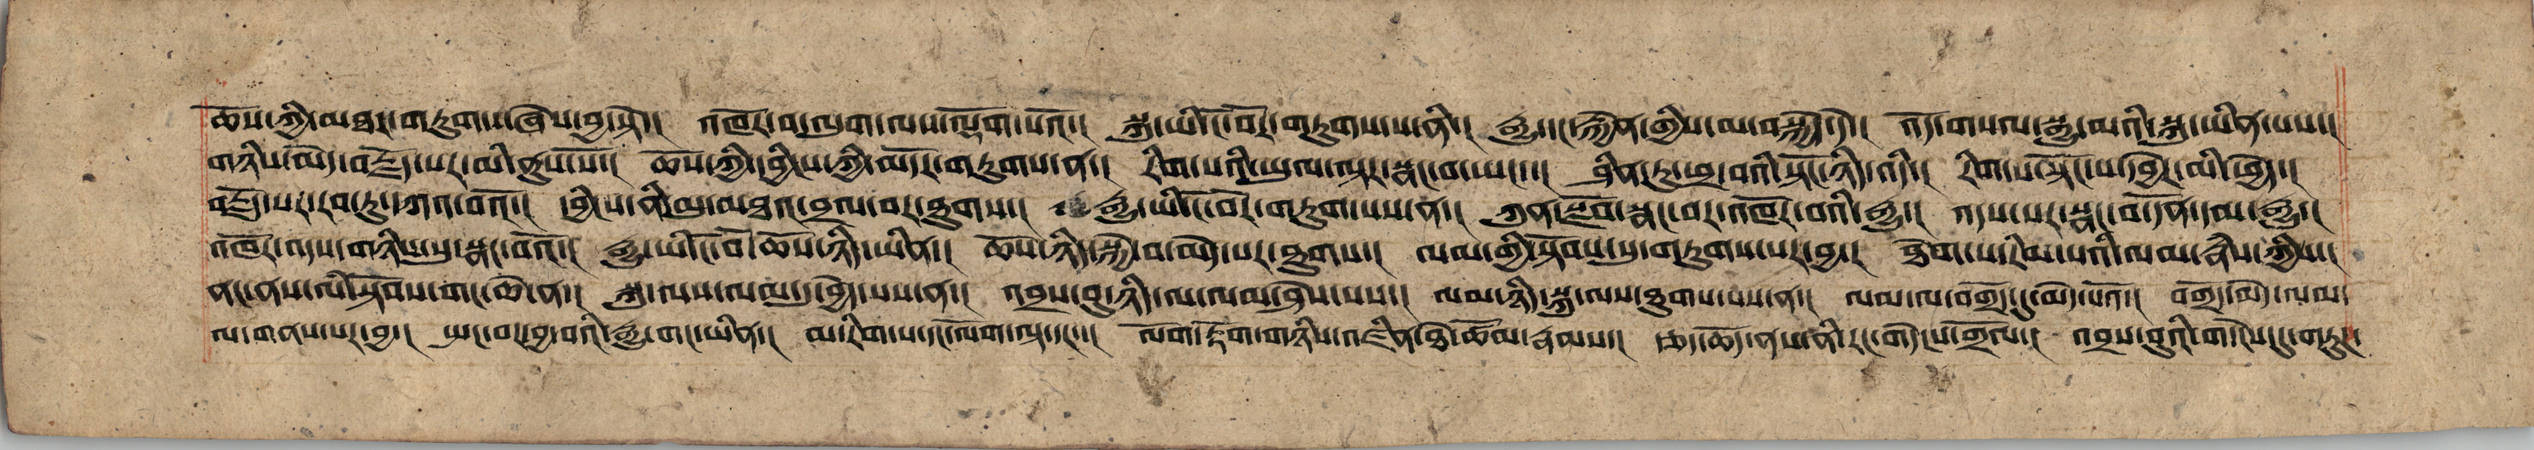ཆོས་ཀྱི་མཐར་གཏུགས་བཞེས་བྱ་སྟེ་། འཁོར་བ་ལུག་ལས་ལྡོག་པའོ་། སྐུ་ཡི་ངོ་བོར་གཏུགས་པ་ནི་། རྒྱུ་དང་རྐྱེན་གྱིས་མ་བསྐྱེད་དེ་། འོད་གསལ་སྒྱུ་མའི་སྐུ་ཡིན་པས་།
གཉིས་མེད་བརྗོད་པར་མི་ནུས་སོ་། ཆོས་ཀྱི་དབྱིངས་ཀྱི་མདོར་གཏུགས་ན་། རིག་པའི་ཡུལ་ལྟར་སྣང་བ་ཡང་་། ཤིན་ཏུ་ཕྲ་བའི་སྟོང་ཉིད་འདི་། རིག་པ་སྟོང་བ་དབྱེར་མི་ཕྱེད་།
བརྗོད་པར་རབ་ཏུ་དཀའ་བའོ་། དབྱིངས་ནི་མུ་མཐའ་བྲལ་བར་ཐུགས་། རྒྱུ་ཡི་ངོ་བོར་གཏུག་པས་ན་། ཀུན་སྫོབ་སྣང་བར་འཁོར་བའི་རྒྱུ་། འདས་པར་སྣང་བ་དོན་དམ་རྒྱུ་།
འཁོར་འདས་གཉིས་སུ་སྣང་བའོ་། རྒྱུ་ཡི་ངོ་བོ་ཆོས་ཉིད་ཡིན་། ཆོས་ཉིད་སྐྱེ་བ་མེད་པར་ཐུགས་། ལམ་གྱི་སྟོབས་སུ་གཏུགས་པར་བྱ་། ཐེག་པ་རིམ་པའི་ལམ་རྣཾས་ཀྱིས་།
ནང་ནས་ལི་སྟོབས་གང་ཆེ་ན་། སྐུ་ལས་ལམ་དུ་བྱེད་པས་ན་། འབྲས་བུ་ཉིད་ལ་ལམ་ཤེས་པས་། ལམ་ཉིད་སྐུ་ལས་ཐུགས་བས་ན་། ལམ་ལ་བགྲོད་དུ་མེད་པའཽ་། བགྲོད་མེད་ལམ་
ལ་གནས་པར་བྱ་། སྤང་བར་བྱ་བའི་རྒྱུ་གང་ཡིན་། མ་རིག་པ་དང་ལོག་ལྟ་དང་་། ལོག་རྟོག་གཉིས་འཛིན་ཐེ་ཚོམ་རྣམས་། རྩད་ཆོད་ནས་ནི་རང་གདེངས་གྲོལ་། འབྲས་བུའི་གདེངས་དུ་གཏུཌ་